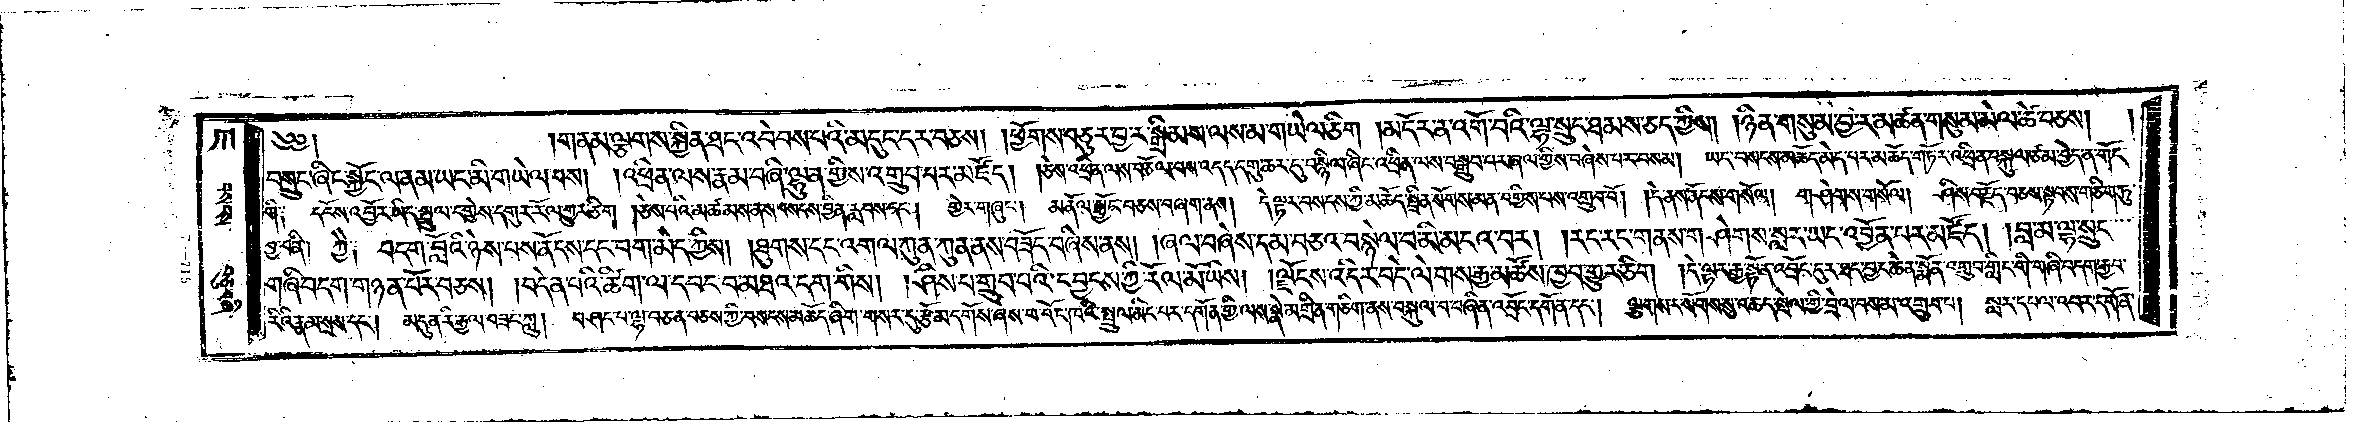༄༅། །གནམ་ལྕགས་སྐྱིན་ཐང་འབེབས་པའི་མདུང་དར་བཅས། །ཕྱོགས་བཅུར་བྱར་སྒྲིམས་ལས་མ་གཡེལ་ཅིག །མདོར་ན་འགོ་བའི་ལྷ་སྲུང་ཐམས་ཅད་ཀྱིས། །ཉིན་གསུམ་བྱ་ར་མཚན་གསུམ་མེལ་ཚེ་བཅས། །
བསྲུང་ཞིང་སྐྱོང་ལ་ནམ་ཡང་མི་གཡེལ་བས། །འཕྲིན་ལས་རྣམ་བཞི་ལྷུན་གྱིས་འགྲུབ་བར་མཛོད། །ཅེས་འཕྲིན་ལས་བཅོལ་བས་འདོད་དགུ་ཆར་དུ་བསྙིལ་ཞིང་འཕྲིན་ལས་བསྒྲུབ་པར་ཞལ་གྱིས་བཞེས་བར་བསམ། ཡང་བསངས་མཆོད་མེད་པར་མཆོད་གཏོར་འཕྲིན་བསྐུལ་ཙམ་བྱེད་ན་གོང་
གི༑ དངོས་འབྱོར་ཡིད་སྤྲུལ་དགྱེས་དགུར་རོལ་གྱུར་ཅིག །ཅེས་པའི་མཚམས་ནས་བསངས་བྱིན་རླབས་དང་། གྱེར་གཞུང་། མནོལ་སྦྱོང་བཅས་བཞག་ནས། དེ་ལྟར་བསངས་ཀྱི་མཆོད་སྦྲིན་སོགས་མན་བགྱིས་བས་འགྲུབ་བོ། །དེ་ནས་ནོངས་གསོལ། གཤེགས་གསོལ། ཤིས་བརྗོད་བཅས་སྟབས་གཅིག་ཏུ་
བྱ་བ་ནི། ཀྱཻ༑ བདག་བློའི་ཉེས་བས་ནོངས་དང་བག་མེད་ཀྱིས། །ཐུགས་དང་འགལ་ཀུན་ཀུན་ནས་བཟོད་བཞེས་ནས། །ཞལ་བཞེས་དམ་བཅའ་བསྙེལ་བ་མི་མངའ་བར། །རང་རང་གནས་གཤེགས་སླར་ཡང་འབྱོན་པར་མཛོད། །བླ་མ་ལྷ་སྲུང་
གཞི་བདག་གཉན་པོར་བཅས། །བདེན་པའི་ཚིག་ལ་དབང་བ་མཐའ་དག་གིས། །ཤིས་བ་གྲུབ་པའི་དབྱངས་ཀྱི་རོལ་མོ་ཡིས། །ལྗོངས་འདིར་བདེ་ལེགས་རྒྱ་མཚོས་ཁྱབ་གྱུར་ཅིག །དེ་ལྟར་རྒྱ་སྟོན་འབྲོང་དུར་ཐད་བྱང་ཆེན་སྨོན་འགྲུབ་གླིང་གི་གཞི་བདག་རྒྱབ་
རིའི་རྣམ་སྲས་དང་། མདུན་རི་རྒྱལ་བཟང་ཀླུ། བཤང་པ་ལྷ་བཅན་བཅས་ཀྱི་བསངས་མཆོད་ཞིག་གསར་དུ་རྩོམ་དགོས་ཞེས་ཕ་བོང་ཁའི་སྤྲུལ་མིང་བར་དགོན་གྱི་ལས་སྣེ་མགྲྭན་གཅིག་ནས་བསྐུལ་བ་བཞིན་འབྲོང་དགོན་དང་། ལྕགས་ར་སོགས་སུ་འཆད་སྤེལ་གྱི་བྲེལ་བས་མ་འགྲུབ་བ། སླར་དཔལ་འབར་དགོན་